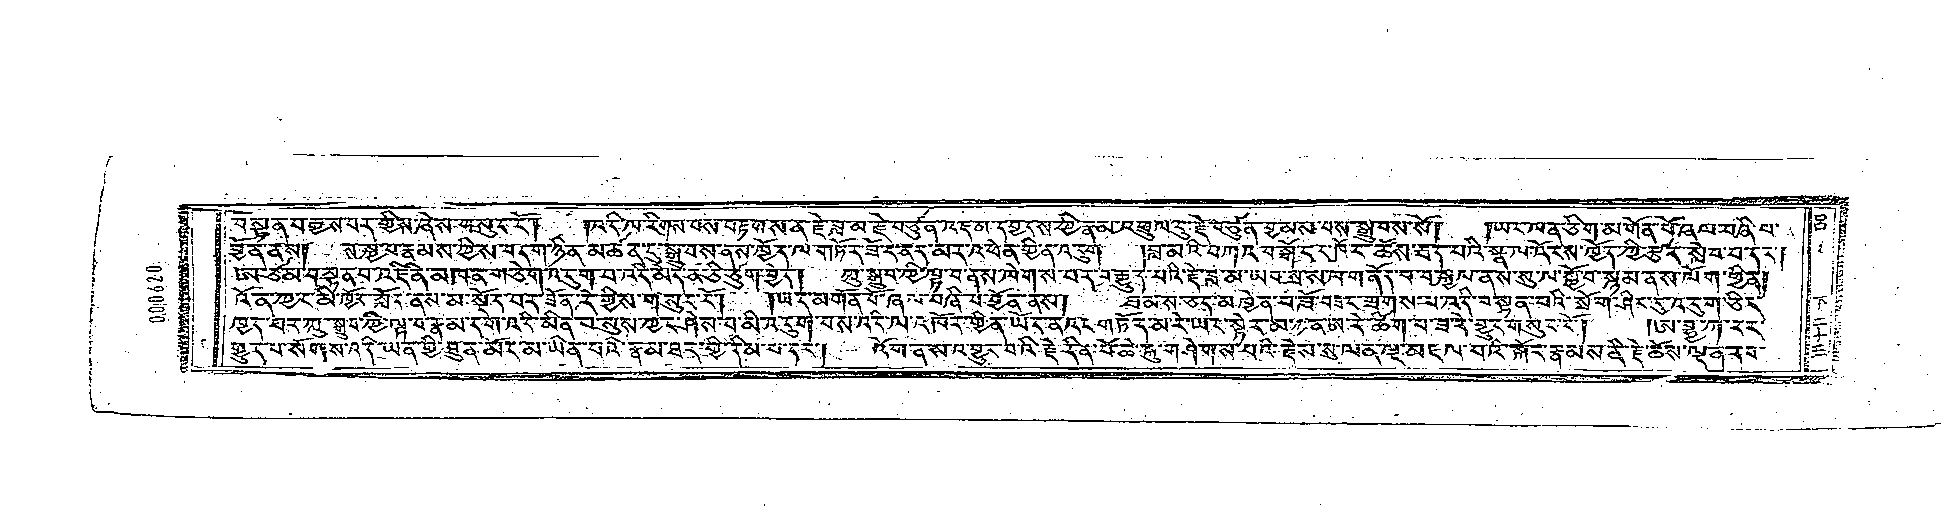བསྟན་པ་རྒྱས་པར་གྱིས་ཞེས་གསུང་ངོ། །འདི་ལ་རིགས་བས་བརྟགས་ན་རྗེ་བླ་མ་རྗེ་བཙུན་འཇམ་དབྱངས་ཀྱི་རྣམ་འཕྲུལ་དུ་རྗེ་བཙུན་བྱམས་པས་སྒྲུབས་སོ། །ཡང་ལན་ཅིག་མགོན་པོ་ཞལ་བཞི་པ་
བྱོན་ནས། ས་སྐྱ་པ་རྣམས་ཀྱིས་བདག་ཉིན་མཚན་དུ་སྒྲུབ་ནས་ཁྱོད་ལ་གཏོར་ཟོར་ནད་མར་འཕེན་གྱི་ན་འདུག །བླ་མའི་བཀའ་བསྒོ་དང་ཁོང་ཆོས་རྦད་པའི་སྣ་ལ་འོངས་ཁྱོད་ཀྱི་རྩར་སླེབ་པ་དང་།
ཨ་ཙམ་བསྟན་བ་འཛིན་མཁན་གཅིག་འདུག་བ་འདི་མེད་ན་ཅི་ཙུག་བྱེད། ཀླུ་སྒྲུབ་ཀྱི་ལྟ་བ་ནས་ལེགས་པར་བརྒྱུད་པའི་རྗེ་བླ་མ་ཡབ་སྲས་ལ་གནོད་པ་བསྐྱལ་ནས་སུ་ལ་སྐྱོབ་སྙམ་ནས་ལོག་ཕྱིན།
འོན་ཀྱང་མི་ཁྱོད་སོང་ནས་མ་སྡོད་པར་ཟོན་རེ་གྱིས་གསུང་ངོ། །ཡང་མགོན་པོ་ཞལ་བཞི་པ་བྱོན་ནས། ཐམས་ཅད་མཁྱེན་བ་བློ་བཟང་གྲགས་པ་འདི་བསྟན་པའི་སྲོག་ཤིང་དུ་འདུག་ཅིང་
ཁྱད་བར་ཀླུ་སྒྲུབ་ཀྱི་ལྟ་བ་རྣམ་དག་འདི་མིན་པ་སུས་ཀྱང་ཤེས་པ་མི་འདུག་བས་འདི་ལ་འཁོར་གྱིན་ཡོད་ནའང་གཏོར་མ་རེ་ཡང་སྟེར་མ་ཉན་ཨ་རེ་ཚིག་པ་ཟ་རེ་བྱུང་གསུང་ངོ། །ཨ་བྷྱ་ཀ་རང་
གྱུར་པ་སོགས་འདི་ཡན་གྱི་ཐུན་མོང་མ་ཡིན་པའི་རྣམ་ཐར་གྱི་རིམ་པ་དང་། འོག་ནས་འབྱུང་བའི་རྗེ་རིན་པོ་ཆེ་སྐུ་གཤེགས་པའི་རྗེས་སུ་ལན་ལྔ་མཇལ་བའི་སྐོར་རྣམས་ནི་རྗེ་ཆོས་ལྡན་རབ་